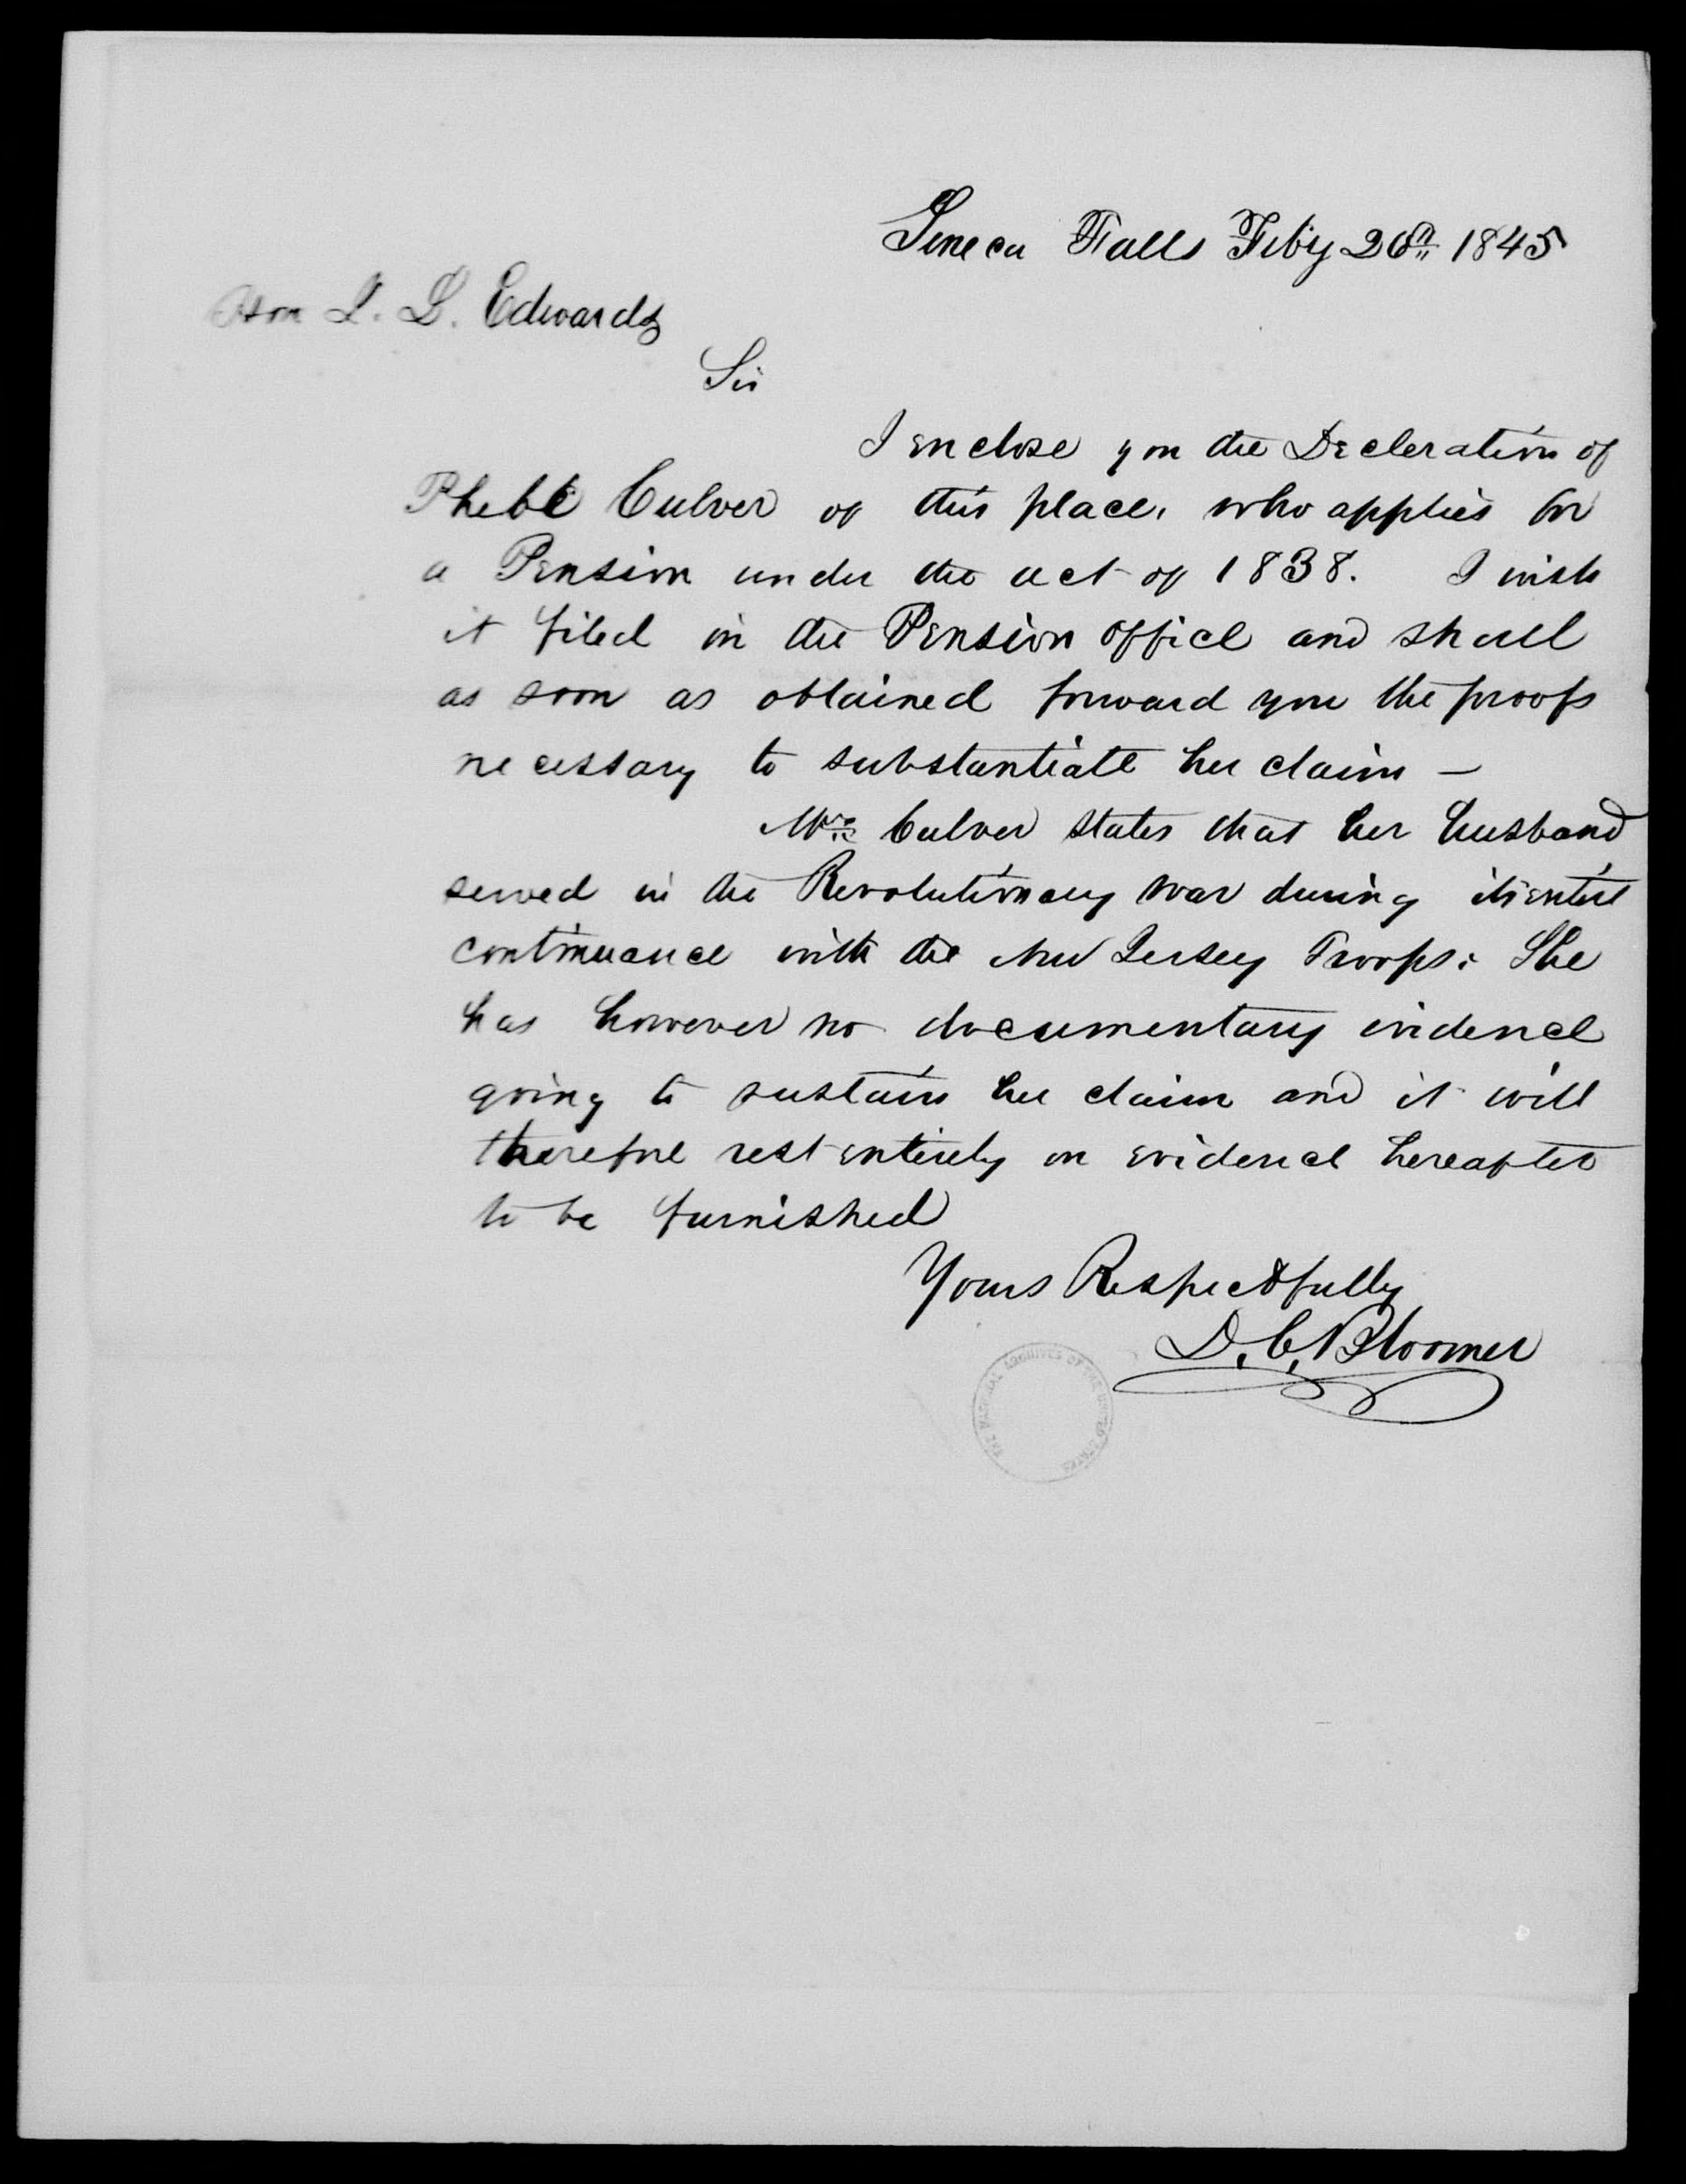Seneca Falls July 20th 1845

Hon J. L. Edwards

	Sir
		I enclose you the Declaration of
Phebe Culver of this place, who applies for
a Pension under the act of 1838.  I wish
it filed in the Pension Office and shall
as soon as obtained forward you the poofs
necessary to substantiate her claim – 
	Mrs. Culver states that her husband
served in the Revolutionary War during its entire
continuance with the New Jersey Troops.  She
has however no documentary evidence 
going to sustain her claim and it will 
therefore rest entirely on evidence hereafter
to be furnished
		Yours Respectfully
			D.C. Bloomer
[stamp – The National Archives of the United States]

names: D C Bloomer, J L Edwards, Phebe Culver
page: 22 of 40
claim: rejected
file: R. 1,570, Samuel Culver, New Jersey